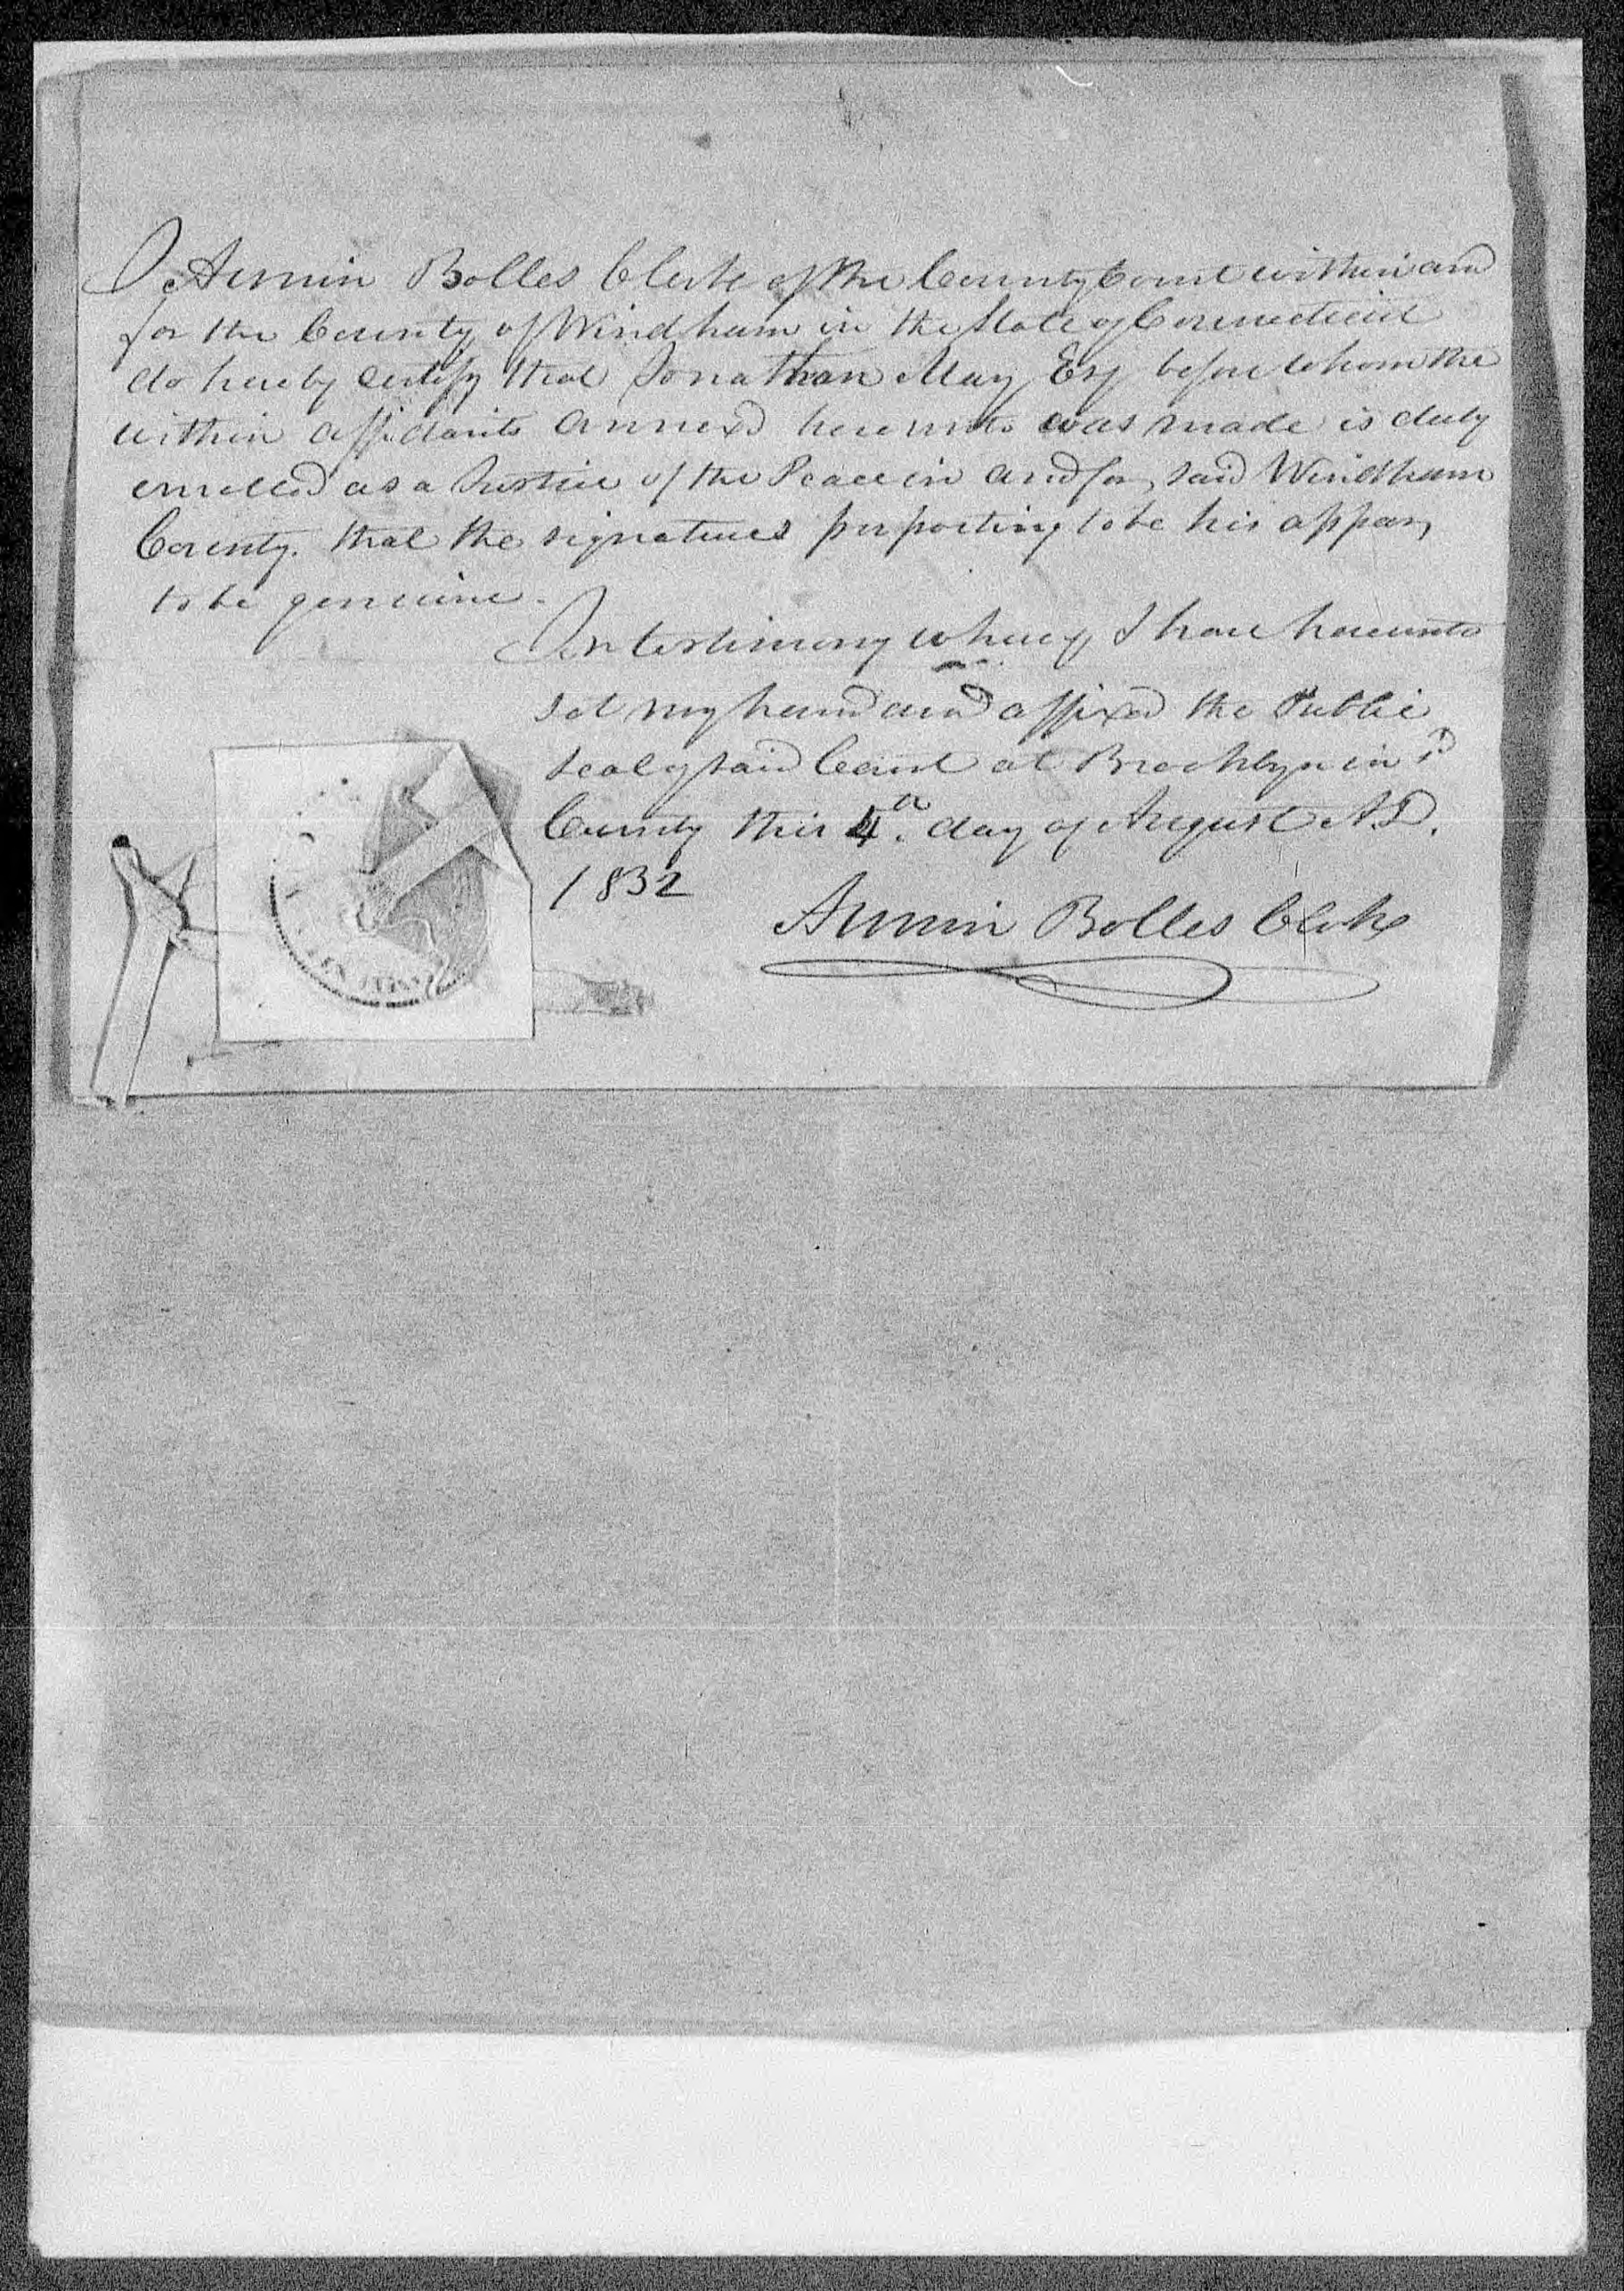I Armin Bolles Clerk of the County Court within and for the County of Windham in the State of Connecticut do hereby certify that Jonathon May Esq before whom the within affidavit annexed herewith was made is duly as a justice of the Peace in aforesaid Windham County that the signatured purporting to be his appear to be genuine.
In testimony whereby I have hereunto set my hand and affix the public seal of said court at Brooklyn in County this 4th day of August AD 1832
Armin Bolles Clerk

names: Armin Bolles, Armin Bolles, Jonathan May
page: 8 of 34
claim: survivor's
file: S. 31,605, Elias Child, Conn.